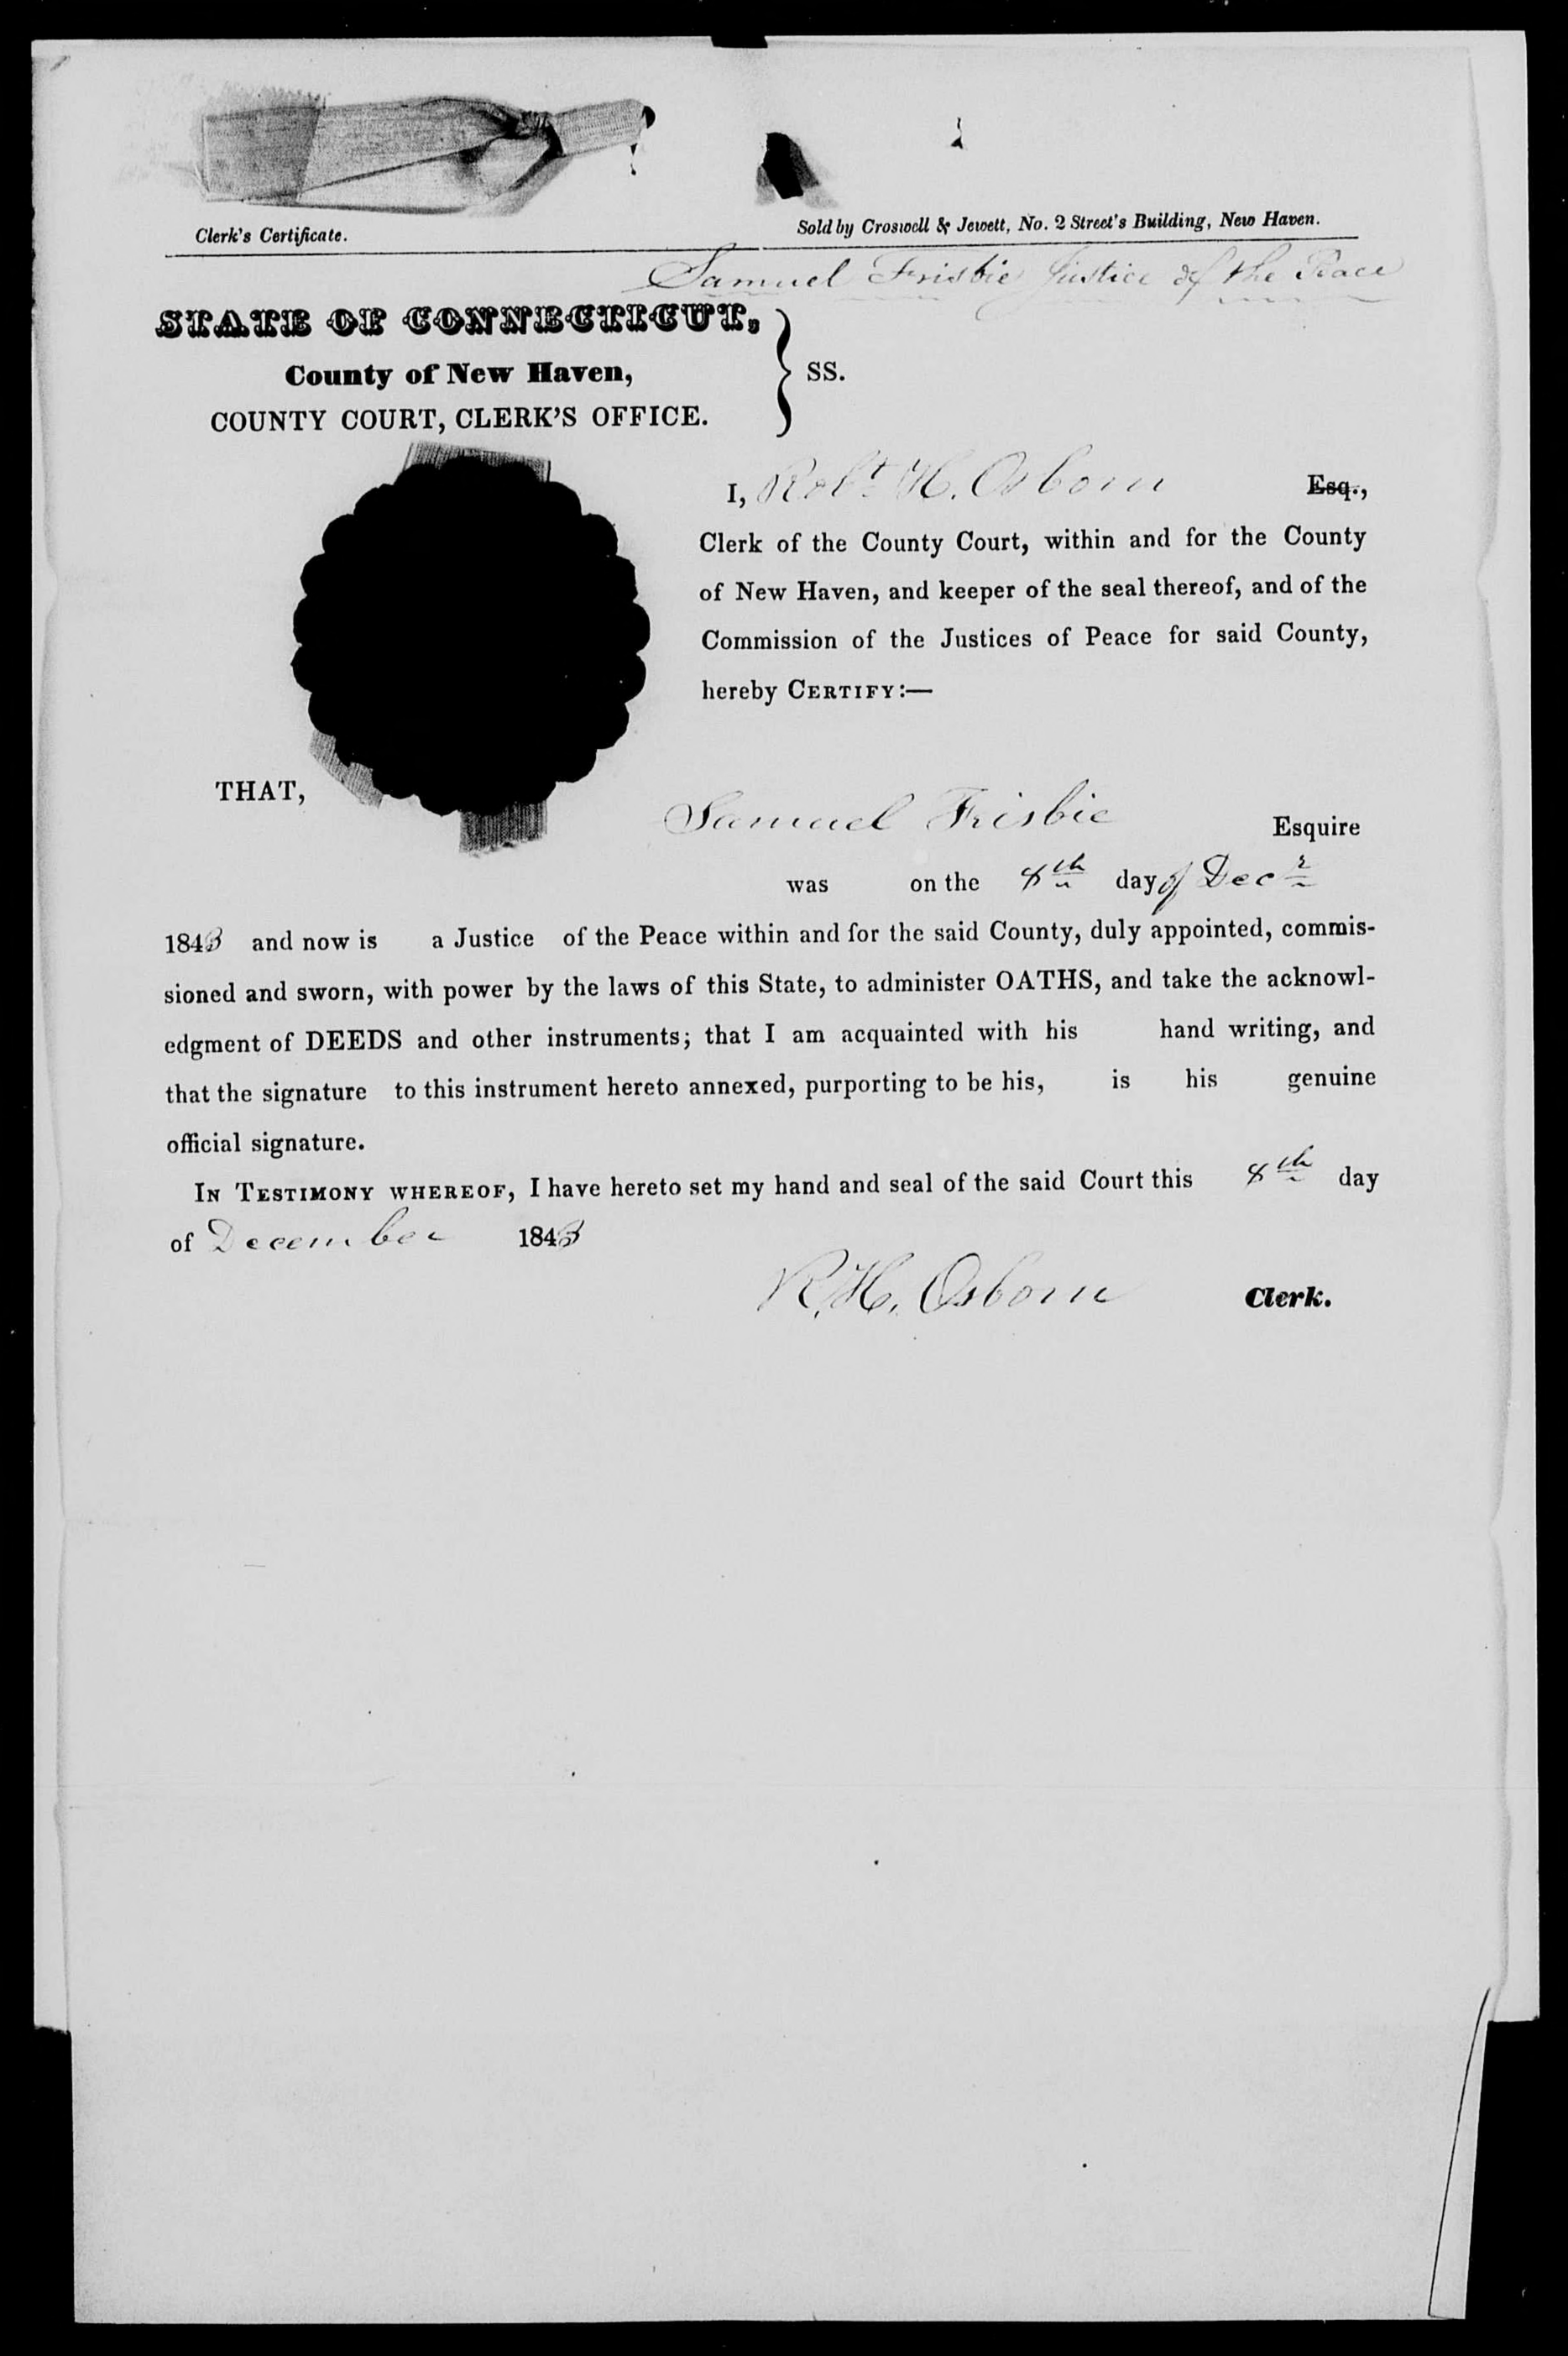Clerk's Certificate.
Sold by Croswell & Jewett, No. 2 Street's Building New Haven.
Samuel Frisbie Justice of the Peace
STATE OF CONNECTICUT
County of New Haven,
COUNTY COURT, CLERK' S OFFICE.
SS.
---
I, 
Robt H. Osborn, 
Clerk of the County Court, within and for the County
of New Haven, and keeper of the seal thereof, and of the
Commission of the Justices of Peace for said County,
hereby CERTIFY:--
That, Samuel Frisbie
Esquire
was on the 8th day of Decr
1843 and now is a Justice of the Peace within and for the said County, duly appointed, commissioned
and sworn, with power by the laws of this State, to administer OATHS, and take the acknowledgment
of DEEDS and other instruments; that I am acquainted with his
hand writing, and
that the signature to this instrument hereto annexed, purporting to be his,
is his
genuine
official signature.
IN TESTIMONY WHEREOF, I have hereto set my hand and seal of the said Court this 8th day
of December 1843
R. H. Osborn
Clerk.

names: R H Osborn, Robt K Osborn, Samuel Frisbie, Samuel Frisbie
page: 26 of 37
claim: widow's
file: W. 20,787, Daniel Brown, Conn. Navy.